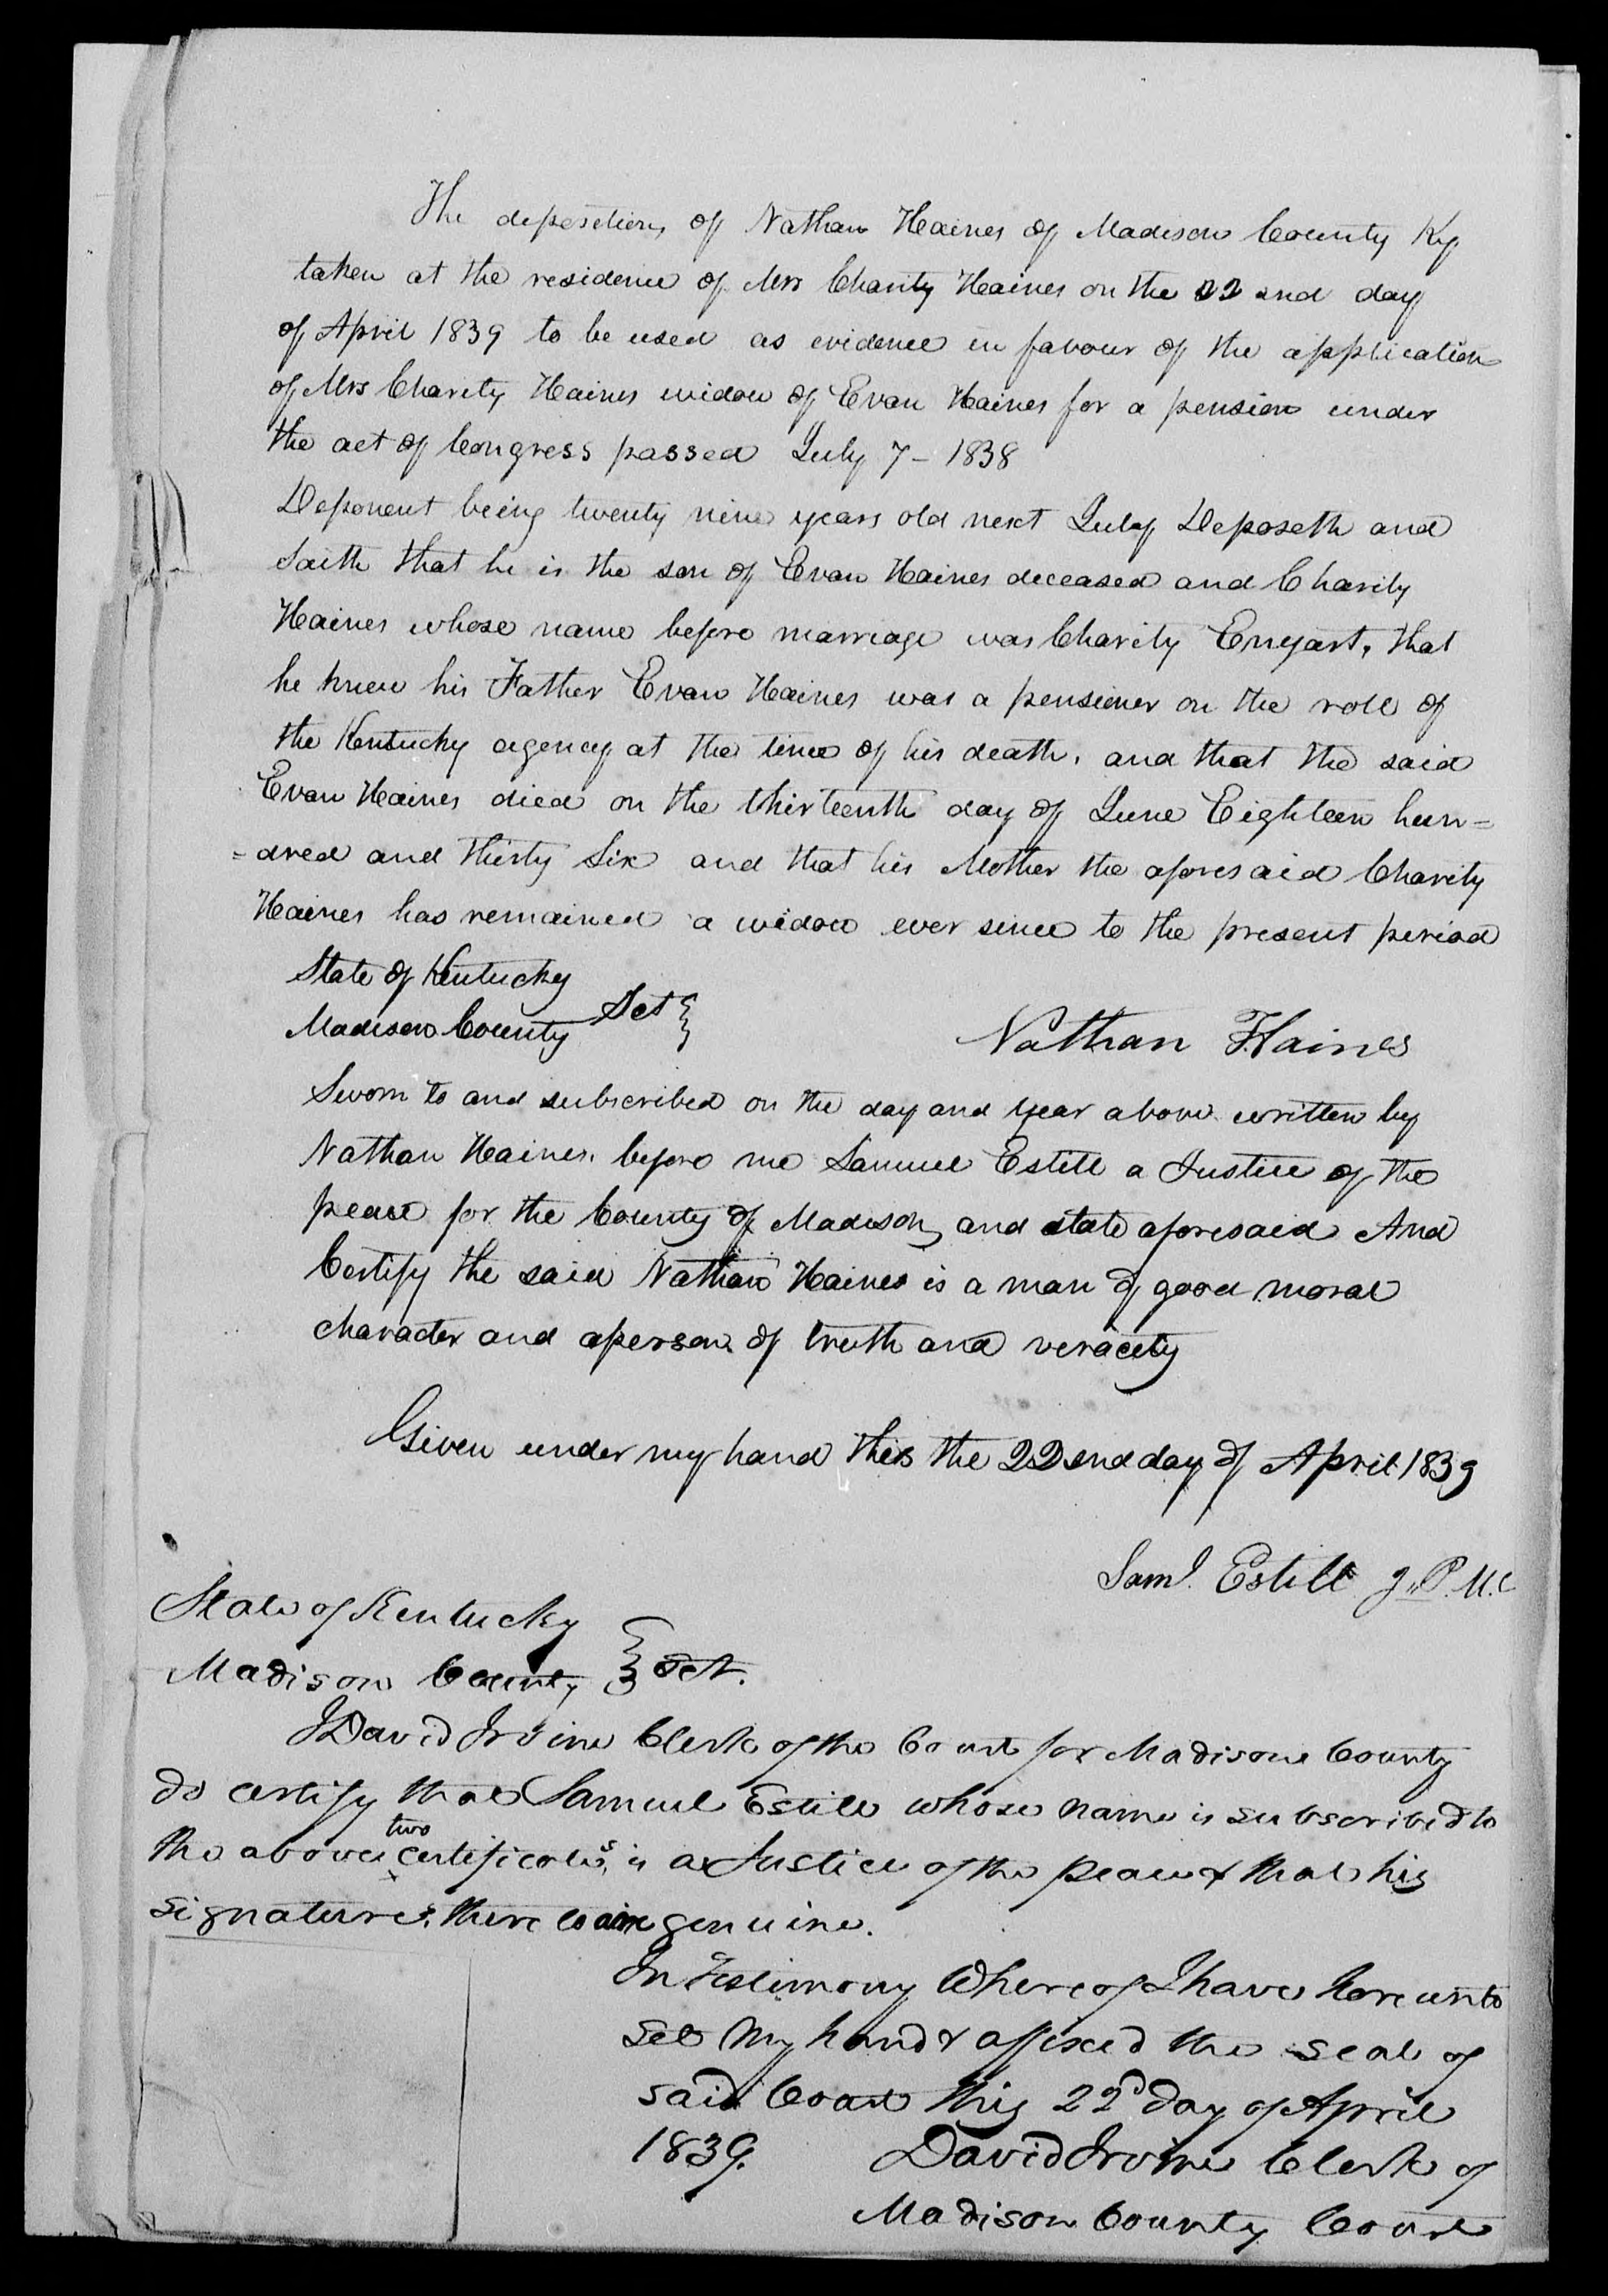The depository of Nathan Haines of Madison County, Ky taken at the residence of Mrs. Charity Haines on the 22nd day of April 1839 to be used as evidence in favour of the application of Mrs. Charity Haines widow of Evan Haines for a pension under the Act of Congress passed July 7-1838.
Deponent being twenty nine years old next July Deposeth and Saith that he is the son of Evan Haines deceased and Charity Haines whose name before marriage was Charity Engart [sp], that he knew his Father Evan Haines was a pensioner on the roll of the Kentucky agency at the time of his death, and that the said Evan Haines died on the thirteenth day of June Eighteen hundred and thirty six and that his Mother the aforesaid Charity has remained a widow ever since to the  present period.
State of Kentucky
Madison County       Set{                         
Nathan Haines

Sworn to and subscribed on the day and year above written by Nathan Haines before me Samuel Estill a Justice of the peace for the county of Madison and Tate aforesaid And certify the said Nathan Haines is a man of good moral character and a person of truth and veracity. 

Given under my hand this the 22nd day of April 1839.
                                            Saml. Estill J.P.mc
State of Kentucky
Madison County    {Set.

I David Irvine Clerk of the court for Madison County do certify that Samuel Estill whose name is subscribed to the above two certificates is a Justice of the peace that his signature therein is genuine. 
In testimony where of I have unto set my hand and affixed the seal of said Court this 22nd day of April 1839. 
David Irvine Clerk of Madison County Court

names: Evan Haines, David Irvine, Nathan Haines, Charity Haines, Charity Haines, Charity Haines, Evan Haines, Saml Estill, Nathan Haines, David Irvine, Evan Haines, Charity Enyart, Evan Haines, Nathan Haines, Nathan Haines, Samuel Estill, Samuel Estill, Charity Haines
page: 11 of 34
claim: widow's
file: W. 8897, Evan Haines, Ga